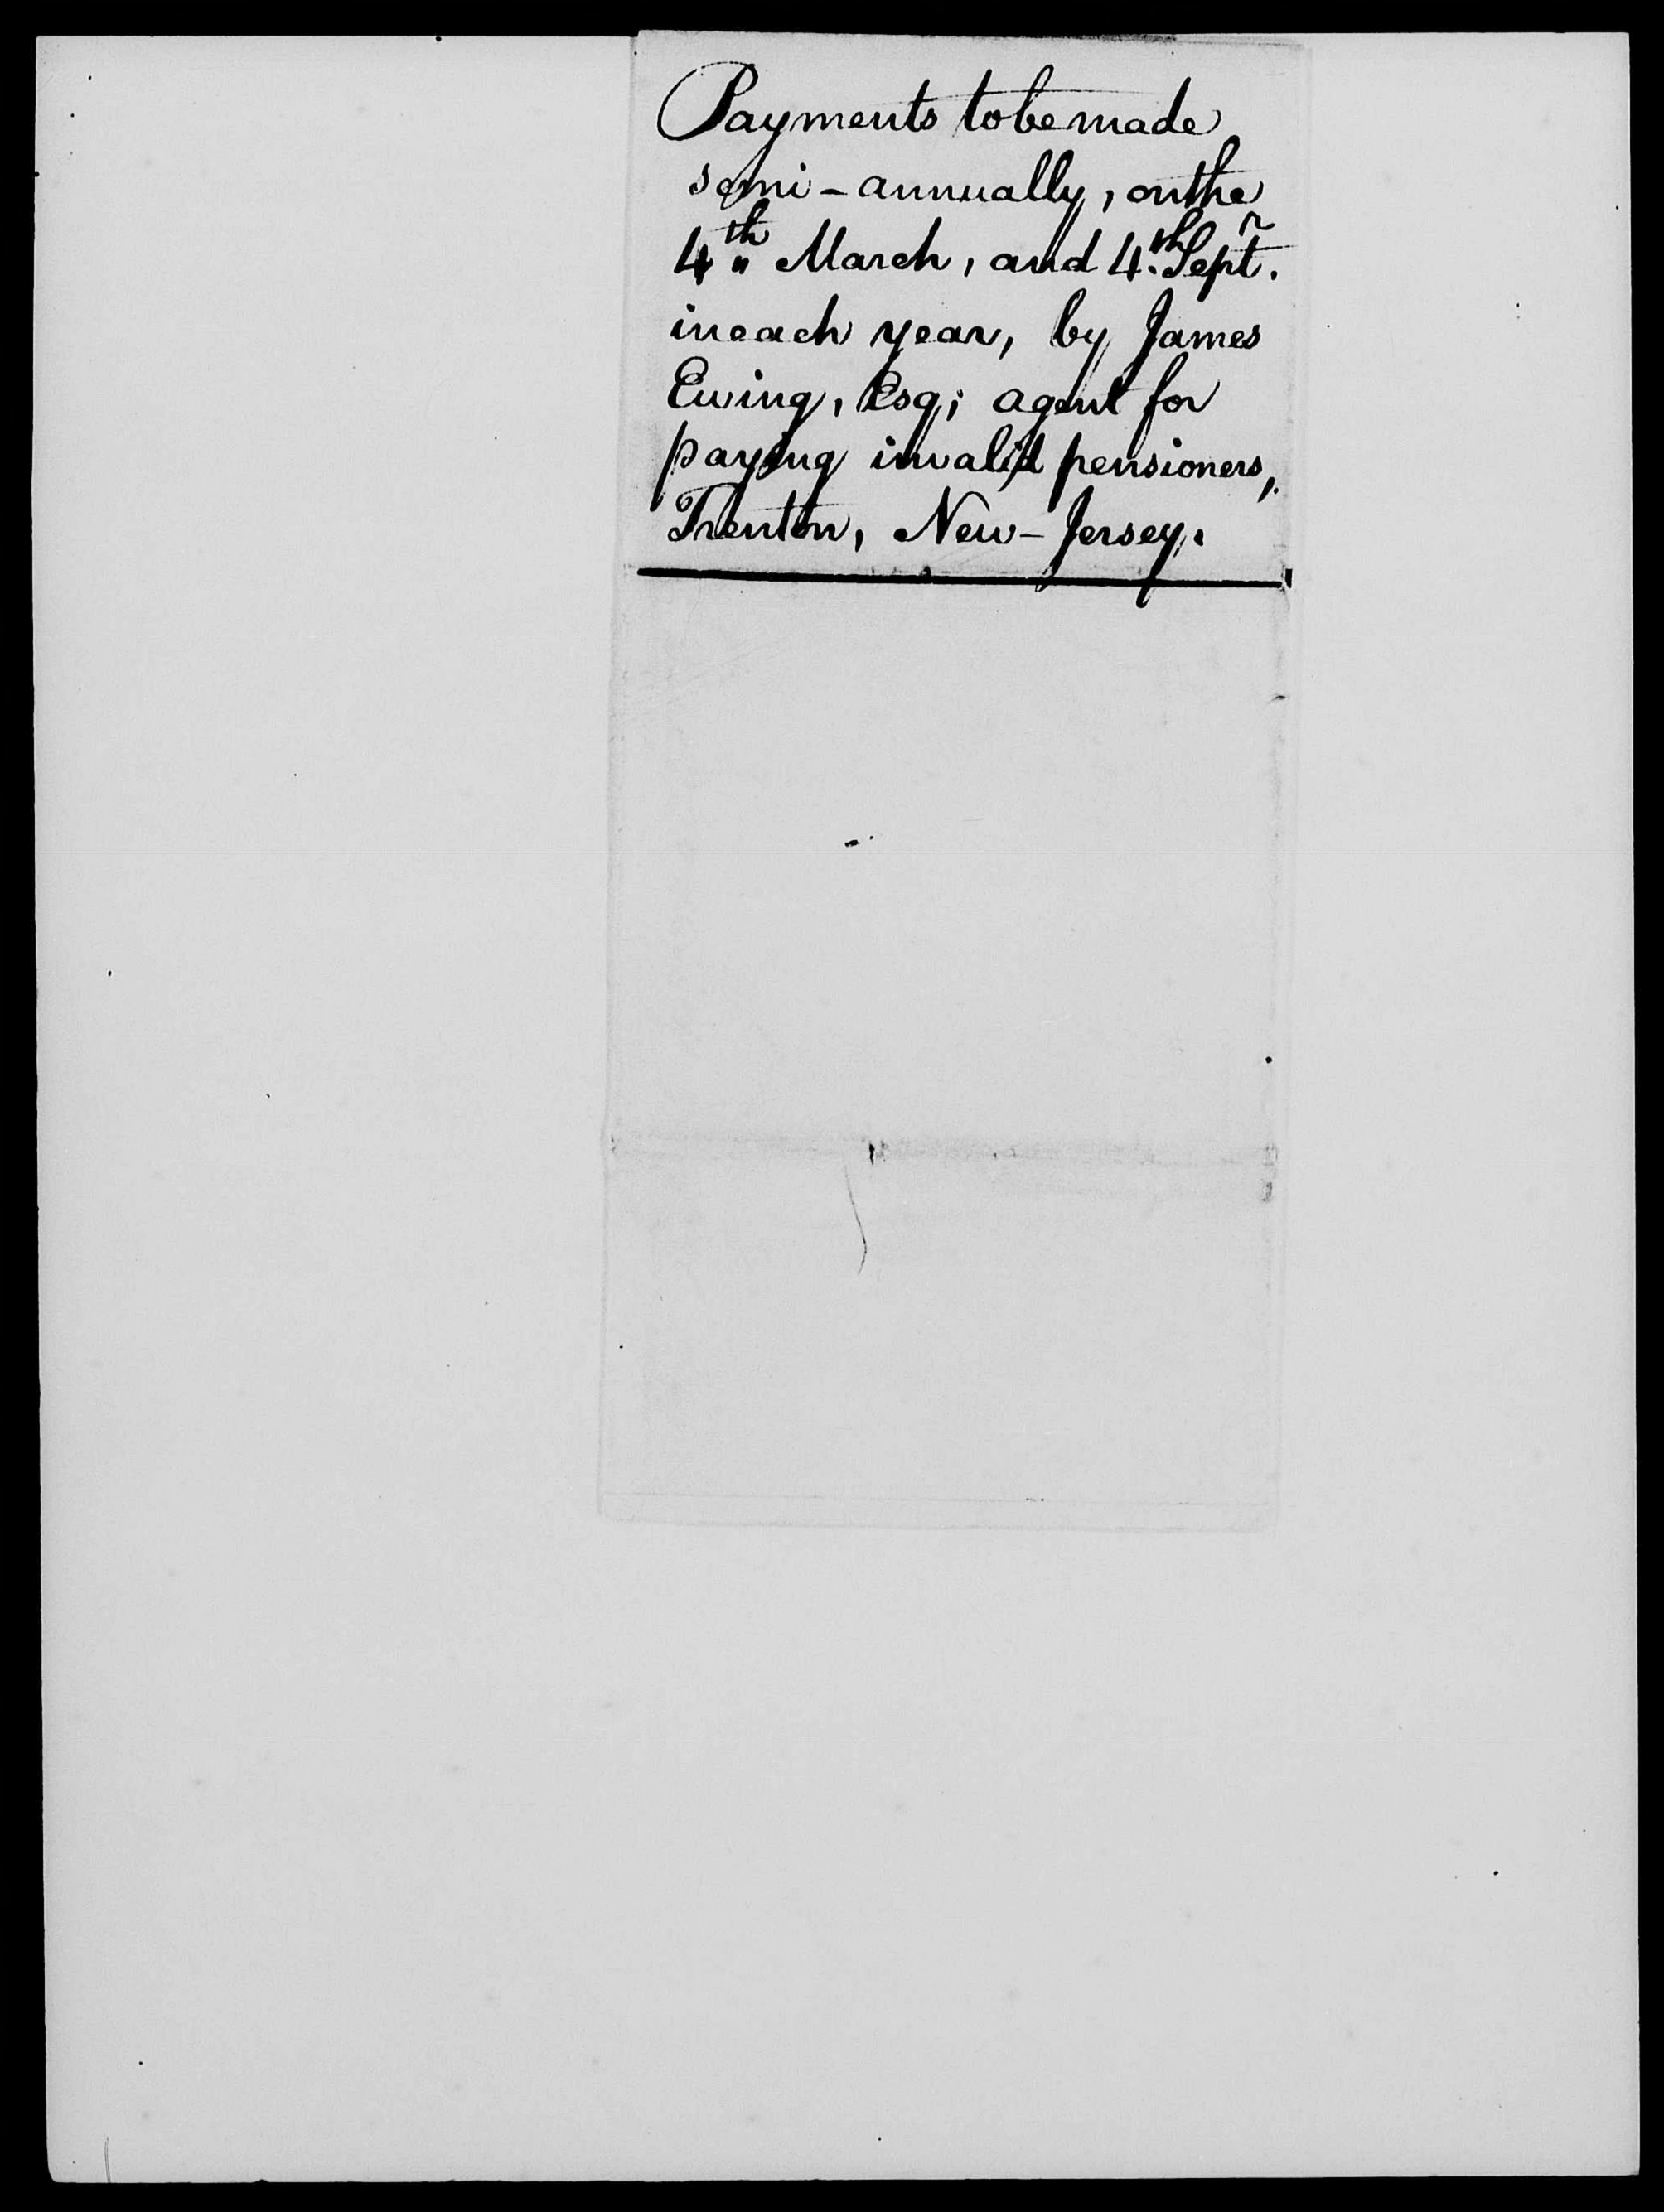Payments to be made semi-annually, on the 4th of March, and 4th of September in each year, by James Ewing, Esq., agent for paying invalid pensioners, Trenton, New Jersey.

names: James Ewing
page: 37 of 62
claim: survivor's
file: S. 540, James Heard, Continental - New Jersey Residence In 1818